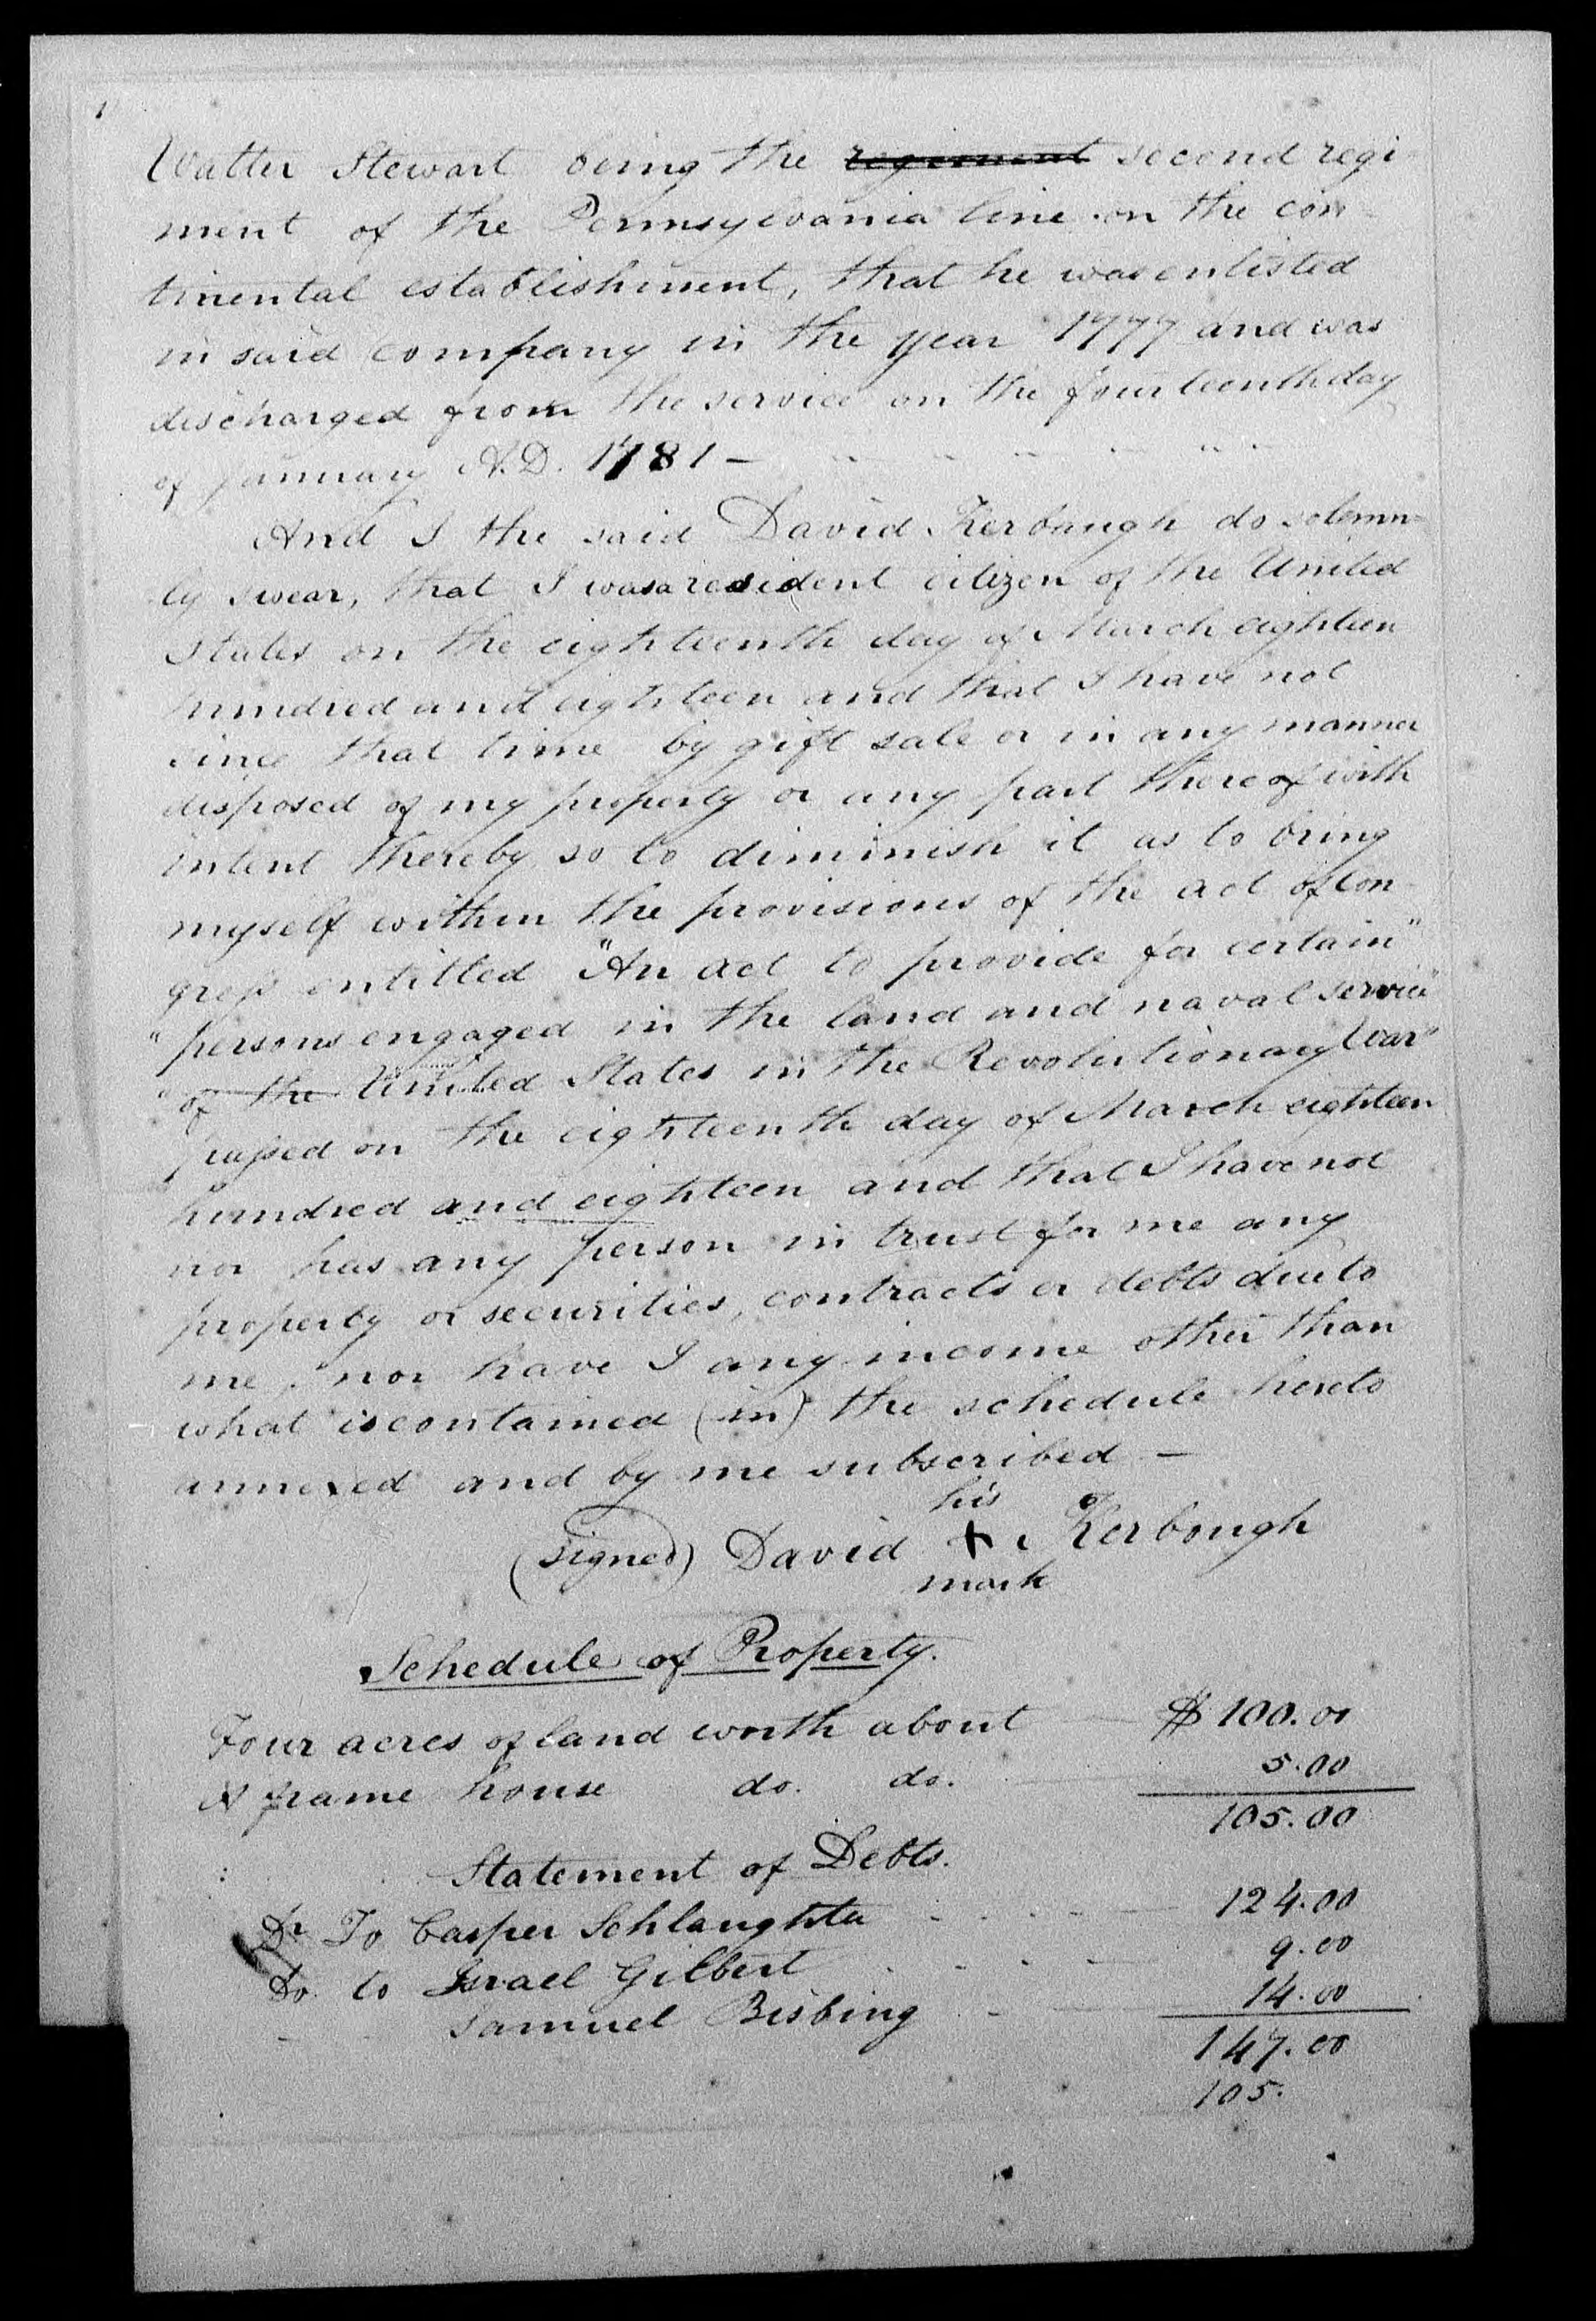Walter Stewart being the second regiment of the Pennsylvania line in the continental establishment, that he was enlisted in said company in the year 1777 and was discharged from the service on the fourteenth day of January A.D. 1781.

    And I the said Kerbaugh do solemnly swear, that I was a resident citizen of the United States on the eighteenth day of March eighteen hundred and eighteen and that I have not since that time by gift, sale or in any manner disposed of my property or any part thereof with intent thereby so to diminish it as to bring myself within the provision of the Act of Congress entitled "An act to provide for certain person engaged in the land and naval service of the United States in the Revolutionary War." passed on the eighteenth day of March eighteenth hundred and eighteen and that I have not nor has any person in trust of me any property or securities, contracts or debts due to me, nor have I any income other than what is contained (in) the schedule hereunto annexed and by me subscribed.

             (signed) David (his mark) Kerbaugh

Schedule of Property

Four acers of land worth about         $100.00
A frame house         "         "                    5.00
                                                            ________
                                                            $105.00

Statement of Debts

Do to Casper Schlaughter                   124.00
Do to Israel Gilbert                                  9.00
Do to Samuel Bisbing                            14.00
                                                             ________
                                                              147.00
                                                               105.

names: Israel Gilbert; Walter Stewart; Samuel Bisbing; David Kerbaugh; Casper Schlaughter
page: 5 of 13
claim: survivor's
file: S. 39,800, for David Kerbaugh, Pennsylvania